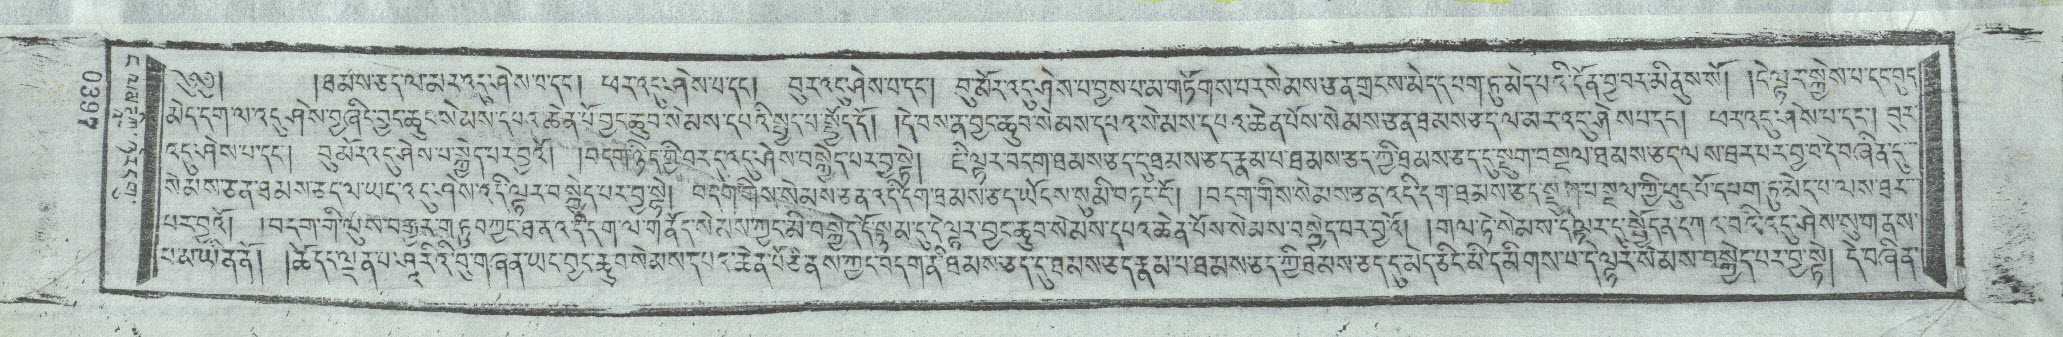༄༅། །ཐམས་ཅད་ལ་མར་འདུ་ཤེས་བ་དང་། ཕར་འདུ་ཤེས་པ་དང་། བུར་འདུ་ཤེས་པ་དང་། བུ་མོར་འདུ་ཤེས་པ་བྱས་པ་མ་གཏོགས་པར་སེམས་ཅན་གྲངས་མེད་དཔག་ཏུ་མེད་པའི་དོན་བྱ་བར་མི་ནུས་སོ། །དེ་ལྟར་སྐྱེས་པ་དང་བུད་
མེད་དག་ལ་འདུ་ཤེས་བྱ་ཞིང་བྱང་ཆུབ་སེམས་དཔའ་ཆེན་པོ་བྱང་ཆུབ་སེམས་དཔའི་སྤྱད་པ་སྤྱོད་དོ། །དེ་བས་ན་བྱང་ཆུབ་སེམས་དཔའ་སེམས་དཔའ་ཆེན་པོས་སེམས་ཅན་ཐམས་ཅད་ལ་མར་འདུ་ཤེས་པ་དང་། ཕར་འདུ་ཤེས་པ་དང་། བུར་
འདུ་ཤེས་པ་དང་། བུ་མོར་འདུ་ཤེས་པ་སྐྱེད་པར་བྱའོ། །བདག་ཉིད་ཀྱི་བར་དུ་འདུ་ཤེས་བསྐྱེད་པར་བྱ་སྟེ། ཇི་ལྟར་བདག་ཐམས་ཅད་དུ་ཐམས་ཅད་རྣམ་པ་ཐམས་ཅད་ཀྱི་ཐམས་ཅད་དུ་སྡུག་བསྔལ་ཐམས་ཅད་ལས་ཐར་པར་བྱ་བ་དེ་བཞིན་དུ་
སེམས་ཅན་ཐམས་ཅད་ལ་ཡང་འདུ་ཤེས་འདི་ལྟར་བསྐྱེད་པར་བྱ་སྟེ། བདག་གིས་སེམས་ཅན་འདི་དག་ཐམས་ཅད་ཡོངས་སུ་མི་བཏང་ངོ། །བདག་གིས་སེམས་ཅན་འདི་དག་ཐམས་ཅད་འདི་དག་ཐམས་ཅད་སྡུག་བསྔལ་གྱི་ཕུང་པོ་དཔག་ཏུ་མེད་པ་ལས་ཐར་
པར་བྱའོ། །བདག་གི་ལུས་བརྒྱར་གཏུབ་ཀྱང་ཐ་ན་འདི་དག་ལ་གནོད་སེམས་ཀྱང་མི་བསྐྱེད་དོ་སྙམ་དུ་དེ་ལྟར་བྱང་ཆུབ་སེམས་དཔའ་ཆེན་པོས་སེམས་བསྐྱེད་བར་བྱའོ། །གལ་ཏེ་སེམས་དེ་ལྟར་དུ་སྤྱོད་ན་དཀའ་བའི་འདུ་ཤེས་སུ་གནས་
པ་མ་ཡིན་ནོ། །ཚེ་དང་ལྡན་པ་ཤཱ་རིའི་བུ་གཞན་ཡང་བྱང་ཆུབ་སེམས་དཔའ་ཆེན་པོ་ཅི་ནས་ཀྱང་བདག་ནི་ཐམས་ཅད་དུ་ཐམས་ཅད་རྣམ་པ་ཐམས་ཅད་ཀྱི་ཐམས་ཅད་དུ་མེད་ཅིང་མི་དམིགས་པ་དེ་ལྟར་སེམས་བསྐྱེད་པར་བྱ་སྟེ། དེ་བཞིན་